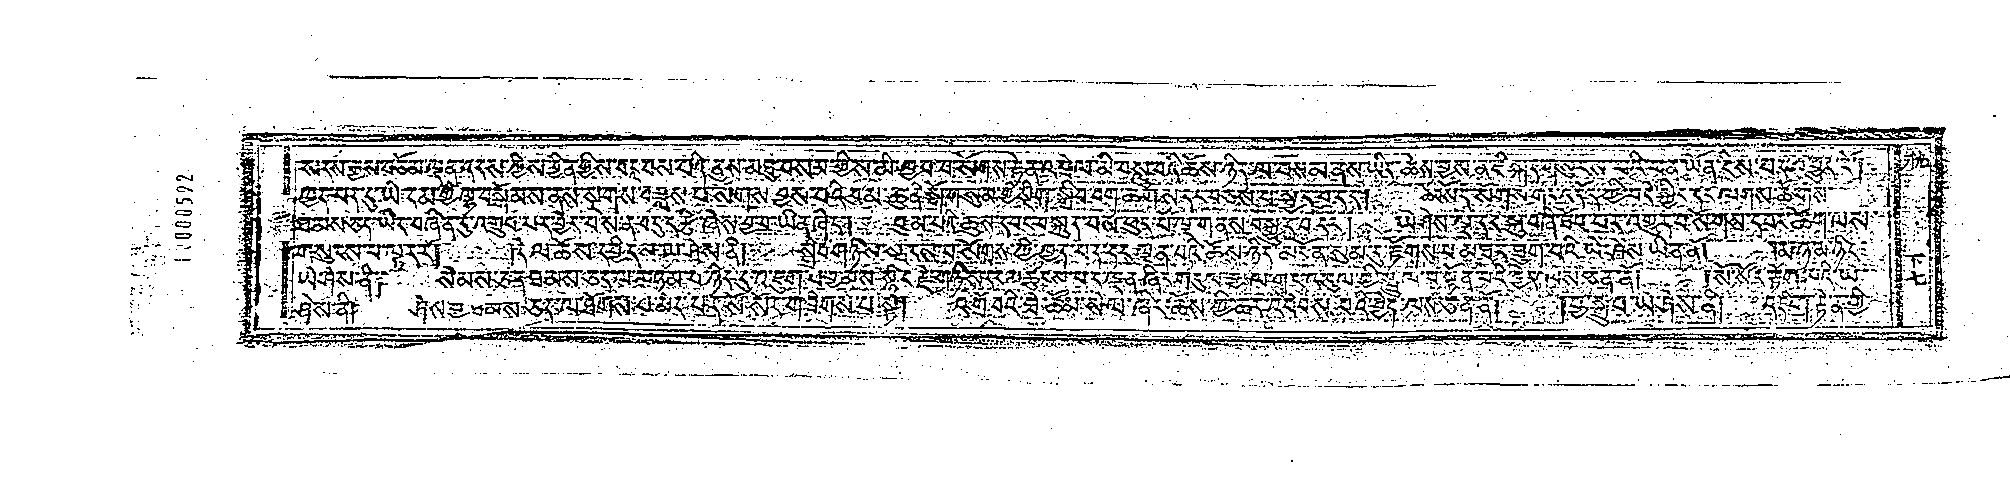སངས་རྒྱས་བཅོམ་ལྡན་འདས་ཀྱིས་བྱིན་གྱིས་བརླབས་པའི་ནུས་མཐུ་བསམ་གྱིས་མི་ཁྱབ་པ་སོགས་རྟེན་འབྲེལ་མི་བསླུ་བའི་ཆོས་ཉིད་ལ་བསམ་ནས་ཡིད་ཆེས་བྱས་ན་ཇི་སྐད་གསུངས་པའི་ཕན་ཡོན་དིས་པར་འབྱུང་ངོ།
ཁྱད་པར་དུ་ཡི་དམ་གྱི་ལྷ་བསྒོམས་ནས་སྔགས་བཟླས་པ་སོགས་བྱས་པའི་བུམ་ཆུ་ནི་སྒོ་གསུམ་གྱི་སྡིག་སྒྲིབ་བག་ཆགས་དང་བཅས་པ་སྦྱད་བ་དང་། ཚེ་བསོད་སོགས་གང་འདོད་ཀྱི་བདེ་སྐྱིད་དང་ལེགས་ཚོགས་
ཐམས་ཅད་ཡིད་བཞིན་དུ་འགྲུབ་པར་བྱེད་པས་ན་བདུད་རྩི་ཞེས་བྱ་བ་ཡིན་ཞིང་། བུམ་པའི་ཆུས་དབང་བསྐུར་བས་ཕུང་པོ་ལྔ་གནས་བསྒྱུར་བ་དང་། ཡེ་ཤེས་ལྔ་དང་སྐུ་བཞི་ཐོབ་པར་འགྱུར་བ་སོགས་དབང་ཚོག་ལས་
གསུངས་པ་ལྟར་རོ། །དེ་ལ་ཆོས་དབྱིངས་ལ་ཤེས་ནི། སྒྲིབ་གཉིས་སྤངས་པ་སོགས་ཀྱི་ཁྱད་པར་དང་ལྡན་པའི་ཆོས་ཉིད་མངོན་སུམ་དུ་རྟོགས་པ་མཐར་ཐུག་པའི་ཡེ་ཤེས་ཡིན་ནོ། །མཉམ་ཉིད་
ཡེ་ཤེས་ནི༑ སེམས་ཅན་ཐམས་ཅད་ལ་མཉམ་པ་ཉིད་དུ་འཇུག་པ་བྱམས་སྙིང་རྗེ་གཉིས་དང་མཚུངས་པར་ལྡན་ཞིང་གདུལ་བྱ་ལ་གང་འདུལ་གྱི་སྤྲུལ་པ་སྟོན་པའི་བྱེད་ལས་ཅན་ནོ། །སོ་སོར་རྟོག་པའི་ཡེ་
ཤེས་ནི། ཤེས་བྱ་ཐམས་ཅད་ལ་ཐོགས་པ་མེད་པར་སོ་སོར་གཟིགས་པ་སྟེ། འགྲོ་བའི་ཐེ་ཚོམ་སེལ་ཞིང་ཆོས་ཀྱི་ཆར་འབེབས་པའི་བྱེད་ལས་ཅན་ནོ། །བྱ་སྒྲུབ་ཡེ་ཤེས་ནི། འཇིག་རྟེན་གྱི་